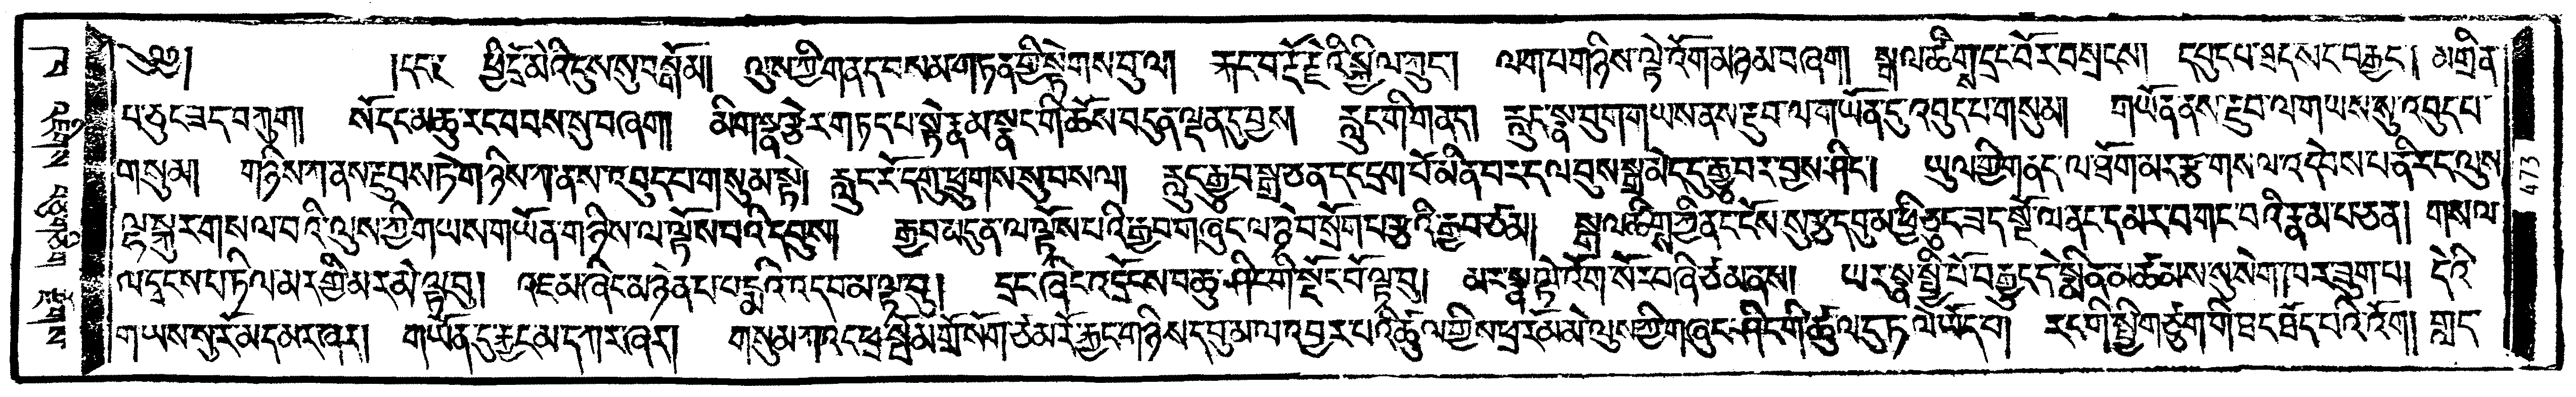༄༅། །དང༑ ཕྱི་དྲོ་མེའི་དུས་སུ་བསྒོམ། ལུས་ཀྱི་གནད་བསམ་གཏན་གྱི་སྟེགས་བུ་ལ། རྐང་བ་རྡོ་རྗེའི་སྐྱིལ་ཀྲུང་། ལག་པ་གཉིས་ལྟེ་འོག་མཉམ་བཞག། སྒལ་ཚིགས་དྲང་བོར་བསྲངས། དཔུང་པ་ཐད་སང་བརྒྱང་། མགྲིན་
པ་ཅུང་ཟད་བཀུག། སོ་དང་མཆུ་རང་བབས་སུ་བཞག། མིག་སྣ་རྩེར་གཏད་པ་སྟེ་རྣམ་སྣང་གི་ཆོས་བདུན་ལྡན་དུ་བྱས། རླུང་གི་གནད། རླུང་སྣ་བུག་གཡས་ནས་རྔུབ་ལ་གཡོན་དུ་འབུད་པ་གསུམ། གཡོན་ནས་རྔུབ་ལ་གཡས་སུ་འབུད་པ་
གསུམ། གཉིས་ཀ་ནས་རྔུབས་ཏེ་གཉིས་ཀ་ནས་འབུད་པ་གསུམ་སྟེ། རླུང་རོ་དགུ་ཕྲུགས་སུ་བསལ། རླུང་རྒྱུ་བ་སྒྲ་ཅན་དང་དྲག་པོ་མིན་པར་དལ་བུས་སྒྲ་མེད་དུ་རྒྱུ་བར་བྱས་ཤིང་། ཡུལ་གྱི་གནད་ལ་ཐོག་མར་རྩ་གསལ་འདེབས་པ་ནི་རང་ལུས་
ལྷ་སྐུར་གསལ་བའི་ལུས་ཀྱི་གཡས་གཡོན་གཉིས་ལ་ལྟོས་བའི་དབུས། རྒྱབ་མདུན་ལ་ལྟོས་པའི་རྒྱབ་གཞུང་ལ་ཉེ་བ་སྲོག་པ་རྩའི་རྒྱབ་ཙམ། སྒལ་ཚིགས་ཀྱི་ནང་ངོས་སུ་རྩ་དབུ་མ་ཕྱི་ཅུང་ཟད་སྔོ་ལ་ནང་དམར་བ་གང་བའི་རྣམ་པ་ཅན། གསལ་
ལ་དྭངས་པ་ཏིལ་མར་གྱི་མར་མེ་ལྟ་བུ། འཇམ་ཞིང་མཉེན་པ་པདམའི་འདབ་མ་ལྟ་བུ། དྲང་ཞིང་འདྲོངས་བ་ཆུ་ཤིང་གི་སྡོང་པོ་ལྟ་བུ། མར་སྣ་ལྟེ་འོག་སོར་བཞི་ཙམ་ནས། ཡར་སྣ་སྤྱི་བོ་བརྒྱུད་དེ་སྨིན་མཚམས་སུ་སེག་ཁར་ཟུག་པ། དེའི་
གཡས་སུ་རོ་མ་དམར་ཞར། གཡོན་དུ་རྐྱང་མ་དཀར་ཞར། གསུམ་ཀའང་ཕྲ་སྦོམ་གྲོ་སོག་ཙམ་རོ་རྐྱང་གཉིས་དབུ་མ་ལ་འབྱར་པའི་ཚུལ་གྱིས་ཕྲ་རོམ་མེ་ལུས་ཀྱི་གཞུང་ཤིང་གི་ཚུལ་དུ་ཏ་ལེ་ཡོད་པ། རང་གི་སྤྱི་གཙུག་གི་ཐང་ཐོད་པའི་འོག། གླང་